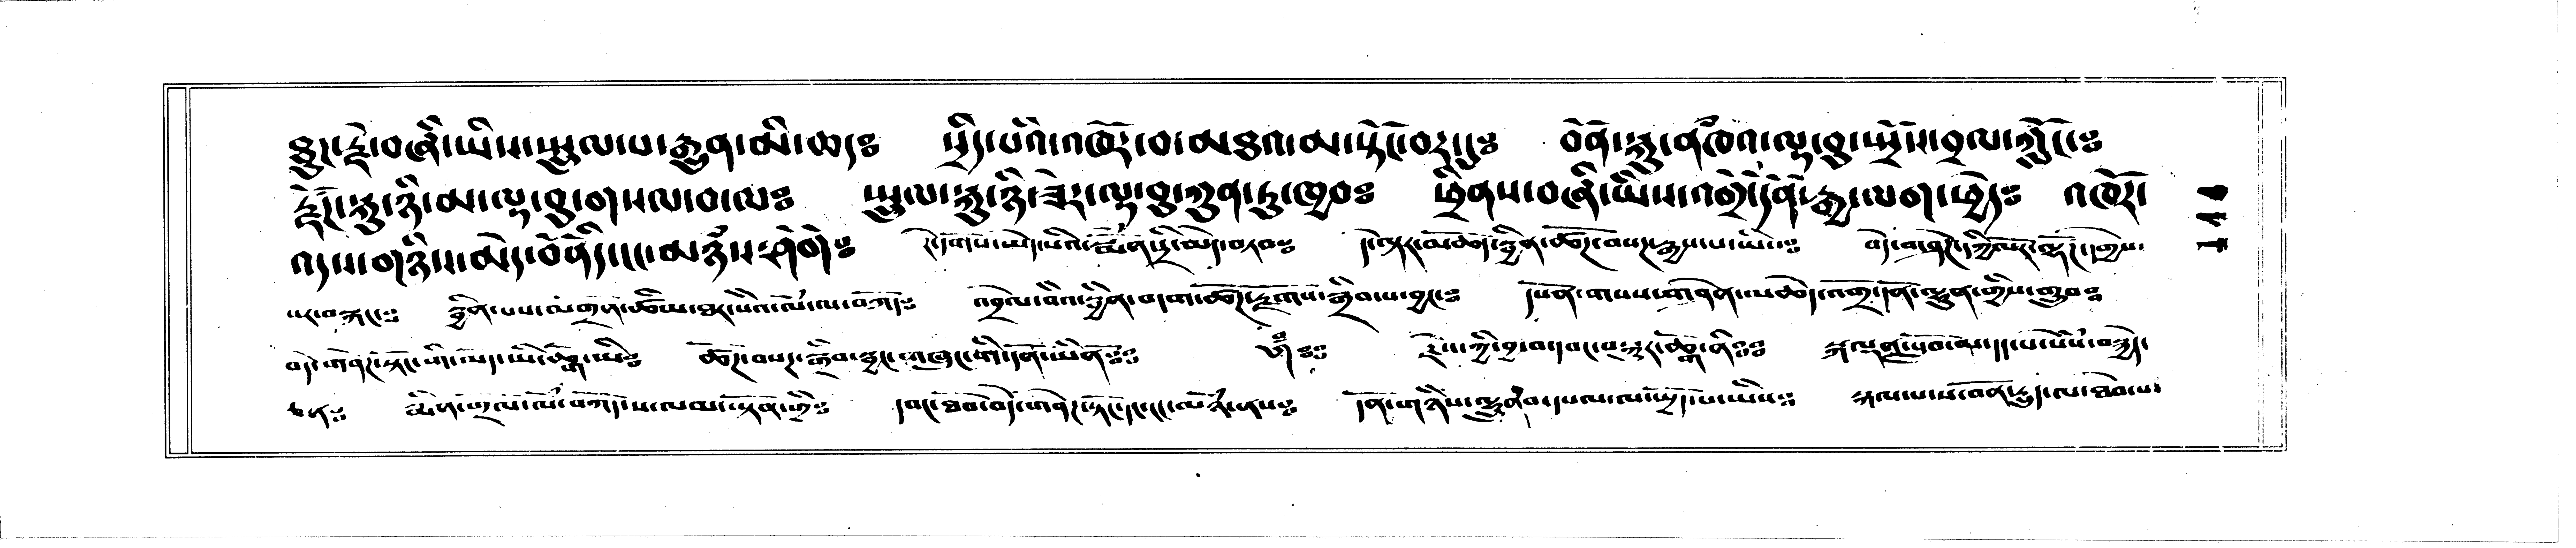ཐུགས་རྗེ་བཞི་ཡིས་སྤྲུལ་པ་རྒྱུན་མི་འཆདཿ སྲིད་པའི་འཁོར་བ་མཐའ་མ་སྟོང་བར་དུཿ བོན་སྐུ་ནམ་མཁའ་ལྟ་བུ་སྤྲོས་བྲལ་ཀློངཿ 
རྫོགས་སྐུ་ཉི་མ་ལྟ་བུ་གསལ་བ་ལཿ སྤྲུལ་སྐུ་ཉི་ཟེར་ལྟ་བུ་ཀུན་ཏུ་ཁྱབཿ འཕྲིན་ལས་བཞི་ཡིས་འགྲོ་དོན་རྒྱ་ལག་ཕྱེདཿ འཁོར་
འདས་གཉིས་མེད་བོན་ཉིད་ངང་མཉམ་ཤོགཿ རེ་དོགས་མེད་པའི་སྨོན་ལམ་དྲི་མེད་བཏབཿ དེ་ལྟར་མཆོད་སྦྱིན་ཚོགས་བསགས་རྒྱས་པ་ཡིཿ བདེར་གཤེགས་དཀྱིལ་འཁོར་ལྷ་ཚོགས་དགྱེས་
པར་བསྐངཿ སྦྱིན་པས་མགྲོན་ཚིམ་ཐར་པའི་ལམ་ལ་བཀོདཿ འབྲེལ་བའི་སྦྱིན་བདག་ཚོགས་སྒྲིབ་པ་བྱངཿ དཔོན་གསས་གཤེན་མཆེད་འགྲོ་དོན་ལྷུན་གྱིས་གྲུབཿ 
བདེར་གཤེགས་སྟོང་གི་མདོ་ཡི་ཆོ་ག་ཡིཿ ཚོགས་བསགས་སྒྲིབ་སྦྱོང་གཞུང་གི་དོན་ཡིན་ནོཿ ༼༽རྗེས་ཀྱི་བྱ་བ་དབང་སྐུར་ཆོ་ག་ནིཿ སྐལ་ལྡན་སློབ་མ་དད་པ་སེམས་བསྐྱེད་
ཅནཿ སྨིན་གྲོལ་ལམ་བཀོད་ས་ལམ་ཡོན་ཏན་གྱིཿ དབང་ཐོབ་བདེར་གཤེགས་སྟོང་དང་ངང་མཉམ་ནསཿ དོན་གཉིས་ལྷུན་གྲུབ་དཔལ་ལ་སྤྱོད་པ་ཡིསཿ སྐལ་པ་ས་བོན་རྒྱུད་ལ་ཐེབས་པ་